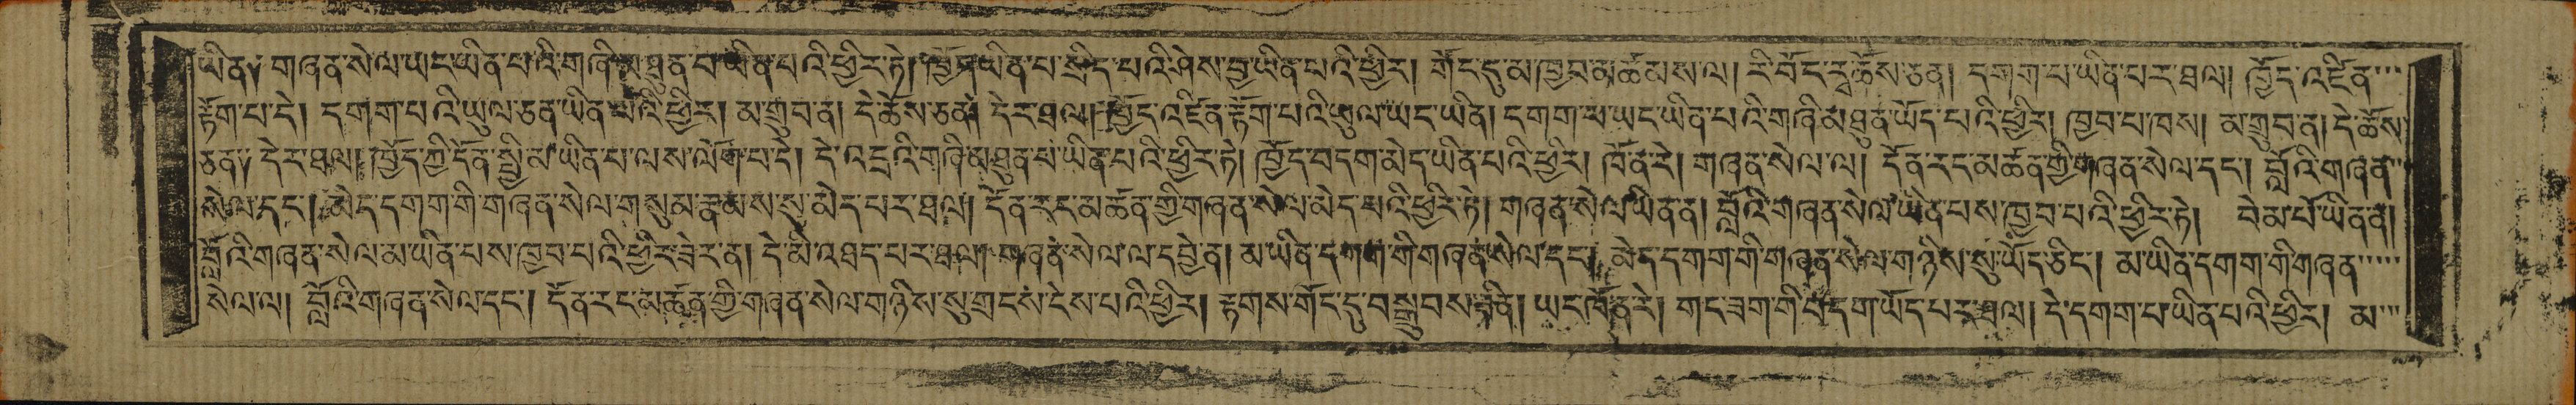ཡིན༑ གཞན་སེལ་ཡང་ཡིན་པའི་གཞི་མཐུན་པ་ཡིན་པའི་ཕྱིར་ཏེ། ཁྱོད་ཡིན་པ་སྲིད་པའི་ཤེས་བྱ་ཡིན་པའི་ཕྱིར། གོང་དུ་མ་ཁྱབ་མཚམས་ལ། རི་བོང་རྭ་ཆོས་ཅན། དགག་པ་ཡིན་པར་ཐལ། ཁྱོད་འཛིན་
རྟོག་པ་དེ། དགག་པའི་ཡུལ་ཅན་ཡིན་པའི་ཕྱིར། མ་གྲུབ་ན། དེ་ཆོས་ཅན། དེར་ཐལ། ཁྱོད་འཛིན་རྟོག་པའི་ཡུལ་ཡང་ཡིན། དགག་པ་ཡང་ཡིན་པའི་གཞི་མཐུན་ཡོད་པའི་ཕྱིར། ཁྱབ་པ་ཁས། མ་གྲུབ་ན། དེ་ཆོས་
ཅན༑ དེར་ཐལ། ཁྱོད་ཀྱི་དོན་སྤྱི་མ་ཡིན་པ་ལས་ལོག་པ་དེ། དེ་འདྲའི་གཞི་མཐུན་པ་ཡིན་པའི་ཕྱིར་ཏེ། ཁྱོད་བདག་མེད་ཡིན་པའི་ཕྱིར། ཁོ་ན་རེ། གཞན་སེལ་ལ། དོན་རང་མཚན་གྱི་གཞན་སེལ་དང་། བློའི་གཞན་
སེལ་དང་། མེད་དགག་གི་གཞན་སེལ་གསུམ་རྣམས་སུ་མེད་པར་ཐལ། དོན་རང་མཚན་གྱི་གཞན་སེལ་མེད་པའི་ཕྱིར་ཏེ། གཞན་སེལ་ཡིན་ན། བློའི་གཞན་སེལ་ཡིན་པས་ཁྱབ་པའི་ཕྱིར་ཏེ། བེམ་པོ་ཡིན་ན།
བློའི་གཞན་སེལ་མ་ཡིན་པས་ཁྱབ་པའི་ཕྱིར་ཟེར་ན། དེ་མི་འཐད་པར་ཐལ། གཞན་སེལ་ལ་དབྱེ་ན། མ་ཡིན་དགག་གི་གཞན་སེལ་དང་། མེད་དགག་གི་གཞན་སེལ་གཉིས་སུ་ཡོད་ཅིང་། མ་ཡིན་དགག་གི་གཞན་
སེལ་ལ། བློའི་གཞན་སེལ་དང་། དོན་རང་མཚན་གྱི་གཞན་སེལ་གཉིས་སུ་གྲངས་ངེས་པའི་ཕྱིར། རྟགས་གོང་དུ་བསྒྲུབས་ཟིན། ཡང་ཁོ་ན་རེ། གང་ཟག་གི་བདག་ཡོད་པར་ཐལ། དེ་དགག་པ་ཡིན་པའི་ཕྱིར། མ་